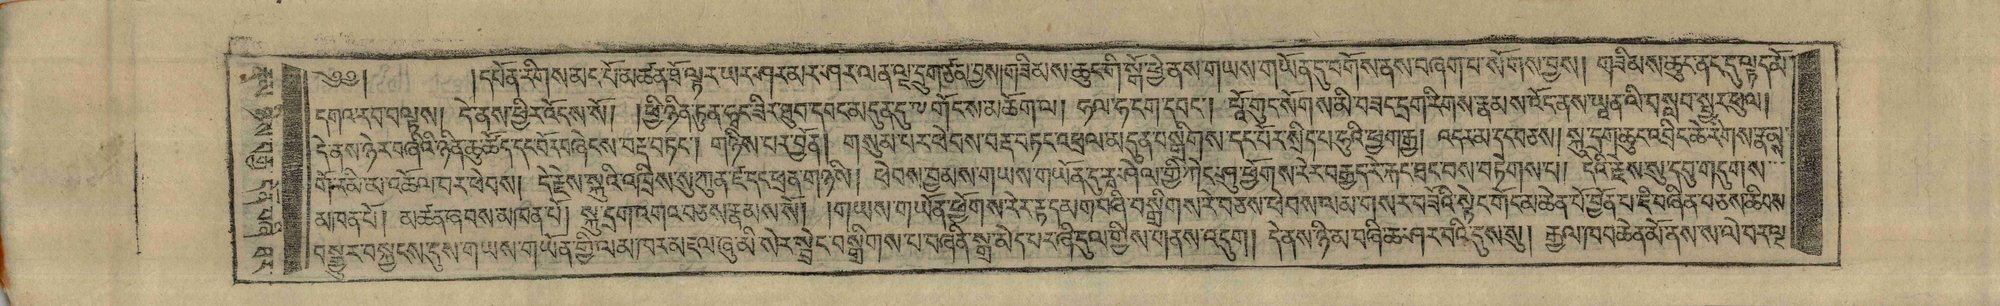༄༅། །དཔོན་རིགས་མང་པོ་མཚན་ཐོ་ལྟར་ཡར་ཤར་མར་ཤར་ལན་ལྔ་དྲུག་ཙམ་བྱས། གཟིམས་ཆུང་གི་སྒོ་ཕྱེ་ནས་གཡས་གཡོན་དུ་བགོས་ནས་བཞག་པ་སོགས་བྱས། གཟིམས་ཆུང་ནང་དུ་ལྟད་མོ་
དགའ་རབ་བལྟས། དེ་ནས་ཕྱིར་འོངས་སོ། །ཕྱི་ཉིན་ཏུན་ཧྭང་ཟིར་ཐུབ་དབང་མདུན་དུ་༧གོང་ས་མཆོག་ལ། ཧལ་ཧ་ངག་དབང་། པO་གུང་སོགས་མི་བཟང་དྲག་རིགས་རྣམས་འོང་ནས་ཡཱན་ལི་བསླབ་སྦྱར་ཕུལ།
དེ་ནས་ཉེར་བཞིའི་ཉིན་ཆུ་ཚོད་དང་པོར་བཞེངས་བརྡ་བཏང་། གཉིས་པར་བྱོན། གསུམ་པར་ཕེབས་བརྡ་བཏང་འཕྲལ་མདུན་བསྒྲིགས་དང་པོར་སྲིད་པ་ཧུའི་ཕྱག་རྒྱ། འདར་མ་དང་བཅས། སྐུ་དྲག་ཆུང་འབྲིང་ཆེ་རིགས་རྣམས་
གོ་རིམ་མ་འཆོལ་བར་ཕེབས། དེ་རྗེས་སྐུའི་འཁྲིས་སུ་ཀུན་ཛ་དང་ཕྲན་གཉིས། ཕེབས་བྱམས་གཡས་གཡོན་དུ་རྭ་ཤེལ་གྱི་ཀེང་ཤུ་ཕྱོགས་རེར་བརྒྱད་རེ་རྐང་ཐང་བས་བཏེགས་པ། དེའི་རྗེས་སུ་དབུ་གདུགས་
མཁན་པོ། མཚན་ཞབས་མཁན་པོ། སྐུ་དྲག་འགའ་བཅས་རྣམས་སོ། །གཡས་གཡོན་ཕྱོགས་རེར་རྟ་དམག་བཞི་བསྒྲིགས་རེ་བཅས་ཕེབས་ལམ་གསར་བཟོའི་སྟེང་གོང་མ་ཆེན་པོ་བྱོན་པ་ཇི་བཞིན་བཅས་ཆིབས་
བསྒྱུར་བསྐྱངས་དུས་གཡས་གཡོན་གྱི་ལམ་ཁར་མཇལ་ཞུ་མི་སེར་སྦྲེང་བསྒྲིགས་པ་བཞིན་སྒྲ་མེད་པར་ཞི་དུལ་གྱིས་གནས་འདུག །དེ་ནས་ཉི་མ་བཞི་ཆ་ཤར་བའི་དུས་སུ། རྒྱལ་ཁབ་ཆེན་མོ་ནས་ས་ལེ་བར་ལྔ་